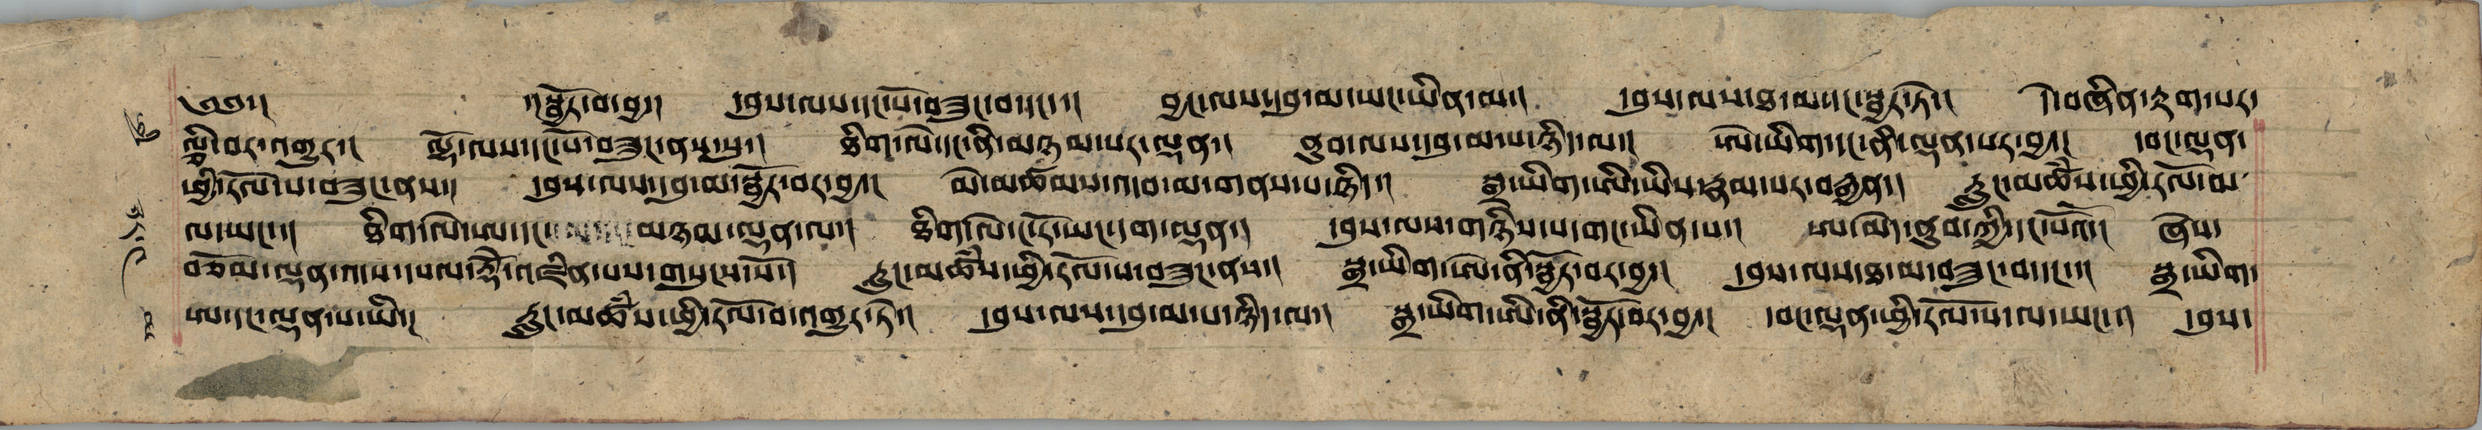༄༅་། ་།སྦྱོར་བ་བྱ་། དབུས་ལས་དང་པོ་བཟུང་བ་དང་་། བྱང་ལས་དབུ་མ་ཡང་ཡིན་ལ་། དབུས་ལས་ཐ་མ་དང་སྦྱར་ཏེ་། དེ་བཞིན་རྟག་པར་
ལྕི་བར་འགྱུར་། ལྷོ་ལས་དང་པོ་བཟུང་ནས་སུ་། ཐིག་ལེ་དང་ནི་མཉམ་པར་ལྡན་། ནུབ་ལས་དབུ་མ་པ་ཉིད་ལ་། ཨེ་ཡིག་དང་ནི་ལྡན་པར་བྱ་། དབང་ལྡན་
ཕྱི་རོལ་པ་བཟུང་ནས་། དབུས་ལས་དབུ་མ་སྦྱོར་བར་བྱ་། མེ་མཚམས་འདབ་མ་གནས་པ་ཉིད་། སྒྲ་ཡིག་ཨི་ཡིས་རྣམ་པར་བརྒྱན་། རླུང་མཚཾས་ཕྱི་རོལ་མ་
ལ་ཡང་་། ཐིག་ལེ་ཨ་དང་ མཉམ་ལྡན་ལ་། ཐིག་ལེ་ང་རོ་ཡང་དག་ལྡན་། དབུས་ལས་གཉིས་པ་གང་ཡིན་པ་། ཨ་མེད་ནུབ་ཀྱི་དང་པའོ་། ཞེས་
བཅོམ་ལྡན་འདས་དཔལ་རྡོེ་འཛིན་པས་གསུངས་སོ་། རླུང་མཚཾས་ཕྱི་རོལ་པ་བཟུང་ནས་། སྒྲ་ཡིག་ཨེ་ནི་སྦྱོར་བར་བྱ་། དབུས་ལས་ཐ་མ་བཟུང་བ་དང་་། སྒྲ་ཡིག་
ཨ་དང་ལྡན་པ་ཡི་། རླུང་མཚཾས་ཕྱི་རོལ་བ་འགྱུར་ཏེ་། དབུས་ལས་དབུ་མ་པ་ཉིད་ལ་། སྒྲ་ཡིག་ཨི་ནི་སྦྱོར་བར་བྱ་། དབང་ལྡན་ཕྱི་རོལ་པ་ལ་ཡང་་། དབུས་